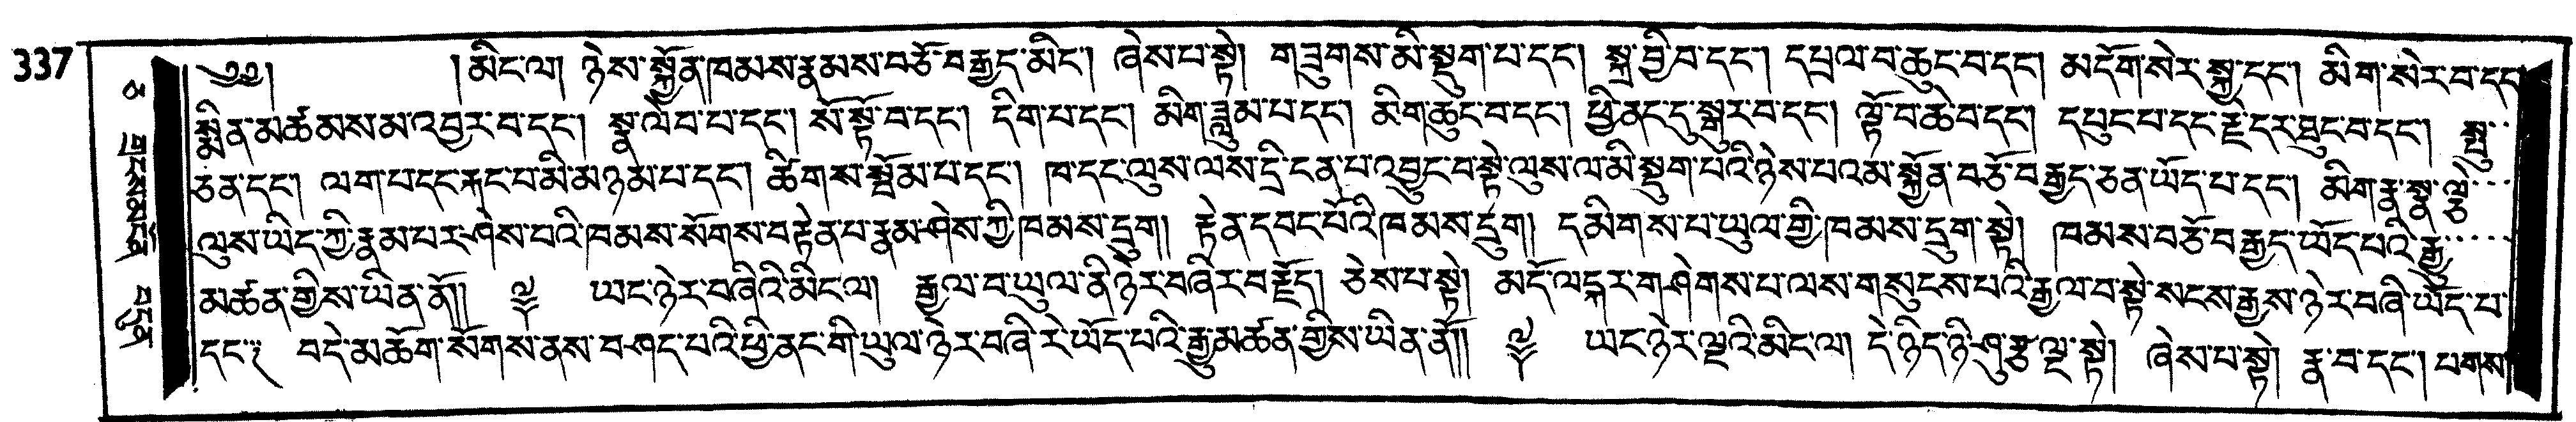༄༅། །མིང་ལ། ཉེས་སྐྱོན་ཁམས་རྣམས་བཅོ་བརྒྱད་མིང་། ཞེས་པ་སྟེ། གཟུགས་མི་སྡུག་པ་དང་། སྐྲ་བྱི་བ་དང་། དཔྲལ་བ་ཆུང་བ་དང་། མདོག་སེར་སྐྱ་དང་། མིག་སེར་བ་དང་
སྨིན་མཚམས་མ་འབྱར་བ་དང་། སྣ་ལེབ་པ་དང་། སོ་སྟོ་བ་དང་། དིག་པ་དང་། མིག་ཟླུམ་པ་དང་། མིག་ཆུང་བ་དང་། ཕྱི་ནང་དུ་སྒུར་བ་དང་། ལྟོ་བ་ཆེ་བ་དང་། དཔུང་པ་དང་རྗེ་དར་ཐུང་བ་དང་། སྤུ་
ཅན་དང་། ལག་པ་དང་རྐང་པ་མི་མཉམ་པ་དང་། ཚིགས་སྦོམ་པ་དང་། ཁ་དང་ལུས་ལས་དྲི་ངན་པ་འབྱུང་བ་སྟེ་ལུས་ལ་མི་སྡུག་པའི་ཉེས་པའམ་སྐྱོན་བཅོ་བརྒྱད་ཅན་ཡོད་པ་དང་། མིག་རྣ་སྣ་ལྕེ་
ལུས་ཡིད་ཀྱི་རྣམ་པར་ཤེས་པའི་ཁམས་སོགས་བརྟེན་པ་རྣམ་ཤེས་ཀྱི་ཁམས་དྲུག། རྟེན་དབང་པོའི་ཁམས་དྲུག། དམིགས་པ་ཡུལ་གྱི་ཁམས་དྲུག་སྟེ། ཁམས་བཅོ་བརྒྱད་ཡོད་པའི་རྒྱུ་
མཚན་གྱིས་ཡིན་ནོ།། འ་ཡང་ཉེར་བཞིའི་མིང་ལ། རྒྱལ་བ་ཡུལ་ནི་ཉེར་བཞིར་བརྗོད། ཅེས་པ་སྟེ། མདོ་ལངྐར་གཤེགས་པ་ལས་གསུངས་པའི་རྒྱལ་བ་སྟེ་སངས་རྒྱས་ཉེར་བཞི་ཡོད་པ་
དང༑ བདེ་མཆོག་སོགས་ནས་བཤད་པའི་ཕྱི་ནང་གི་ཡུལ་ཉེར་བཞི་རེ་ཡོད་པའི་རྒྱུ་མཚན་གྱིས་ཡིན་ནོ།། འ་ཡང་ཉེར་ལྔའི་མིང་ལ། དེ་ཉིད་ཉི་ཤུ་རྩ་ལྔ་སྟེ། ཞེས་པ་སྟེ། རྣ་བ་དང་། པགས་